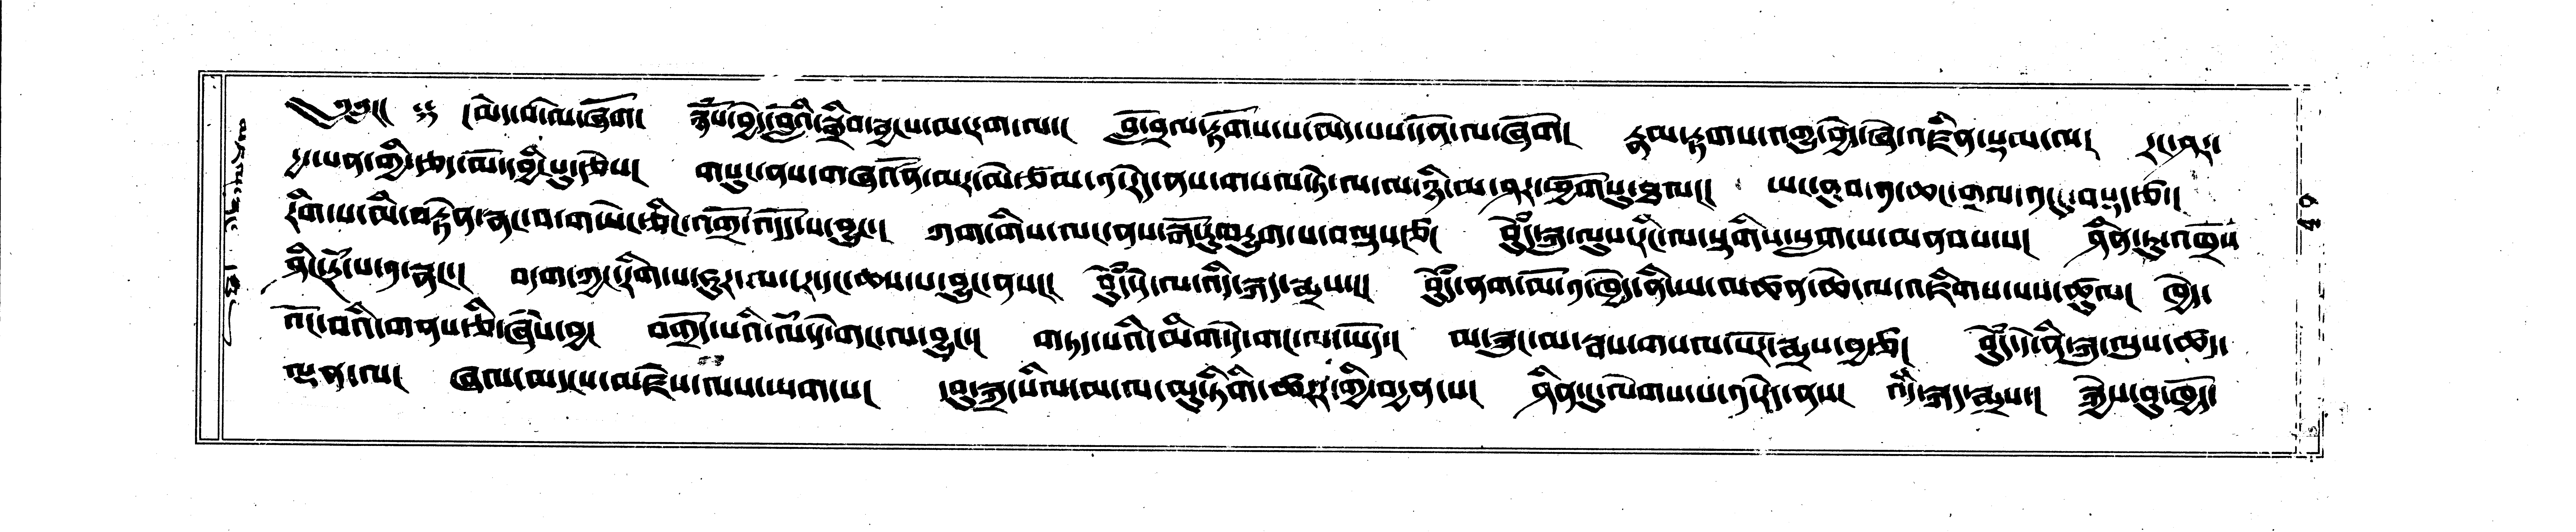མེད་ས་ལེ་ཞོག སྙོམས་བྱེད་བློའི་སྒྲིབ་སྦྱངས་མ་རག་ལ། བློ་བྲལ་རྟོགས་པ་མེད་པས་དོན་ལ་ཞོག རྣམ་རྟོག་འགྱུ་བྱེད་ཞེ་འཛིན་བསྡམས་ལ། རང་ཤར་
རྒྱ་ཡན་གྱི་རྩེད་མོ་དབྱིངས་སུ་རྩེས། གསུངས་ནས་གཞའ་ཚོན་མར་མེ་ཙམ་གཅིག་རེད་ནས་གསལ་ཏེ་ལ་ལ་ཉི་མ་ཤར་ཕྱོགས་སུ་ཐལ། ཡང་ནུབ་གཅིག་ཆང་གྲལ་གཅིག་དུ་བསྡད་ཙ། 
རིག་པ་མི་བརྟེན་སྣང་བ་གཡེང་ཅིང་འགྲོ་འདོད་པ་བྱུང་། ཀག་གིས་ལང་ནས་སྒོ་རུ་བརྒྱུག་པ་བལྟས་ཙ། བུད་མེད་སྐུ་ལུས་རིང་ལ་སྟག་གིས་སླག་པ་མནབས་པ། ཤིན་ཏུ་འཕྲོས་
ཤིང་རྔམ་པ་གཅིག་སྣང་། བདག་ཀྱང་རིག་པ་ཧུར་ལ་ངར་དང་ཆས་པ་བྱུང་ནས། བུད་མེད་དེ་ལ་འདི་སྐད་སྨྲས། བུད་མེད་ནག་མོ་གཅིག ཁྱེད་ནི་ཡ་མཚན་ཆེ་ལ་འཇིགས་པས་ཚུལ། ཁྱེད་
འོང་བའི་གནས་ཅི་ཞེས་བྱ། བགྲོད་པའི་ལམ་དེ་གང་ལ་བྱུང་། གཏད་པའི་མིག་དེ་གང་ལ་ཡོད། མ་སྐུང་མ་སྦས་གསལ་པོར་སྨྲས་བྱས་ཙ། བུད་མེད་དེ་ནི་སྐུ་ལུས་ཚད་
ལྡན་ལ། ཞལ་མདངས་མཛེས་ལས་ཡག་པ། དབུ་སྐྲ་སིལ་མ་ལ་མུ་ཏིག་གི་ཚར་ཚར་གྱིས་བརྒྱན་པ། ཤིན་ཏུ་ལེགས་པ་གཅིག་རེད་ནས། འདི་སྐད་སྨྲས། སྐྱེས་བུ་ཁྱོད་